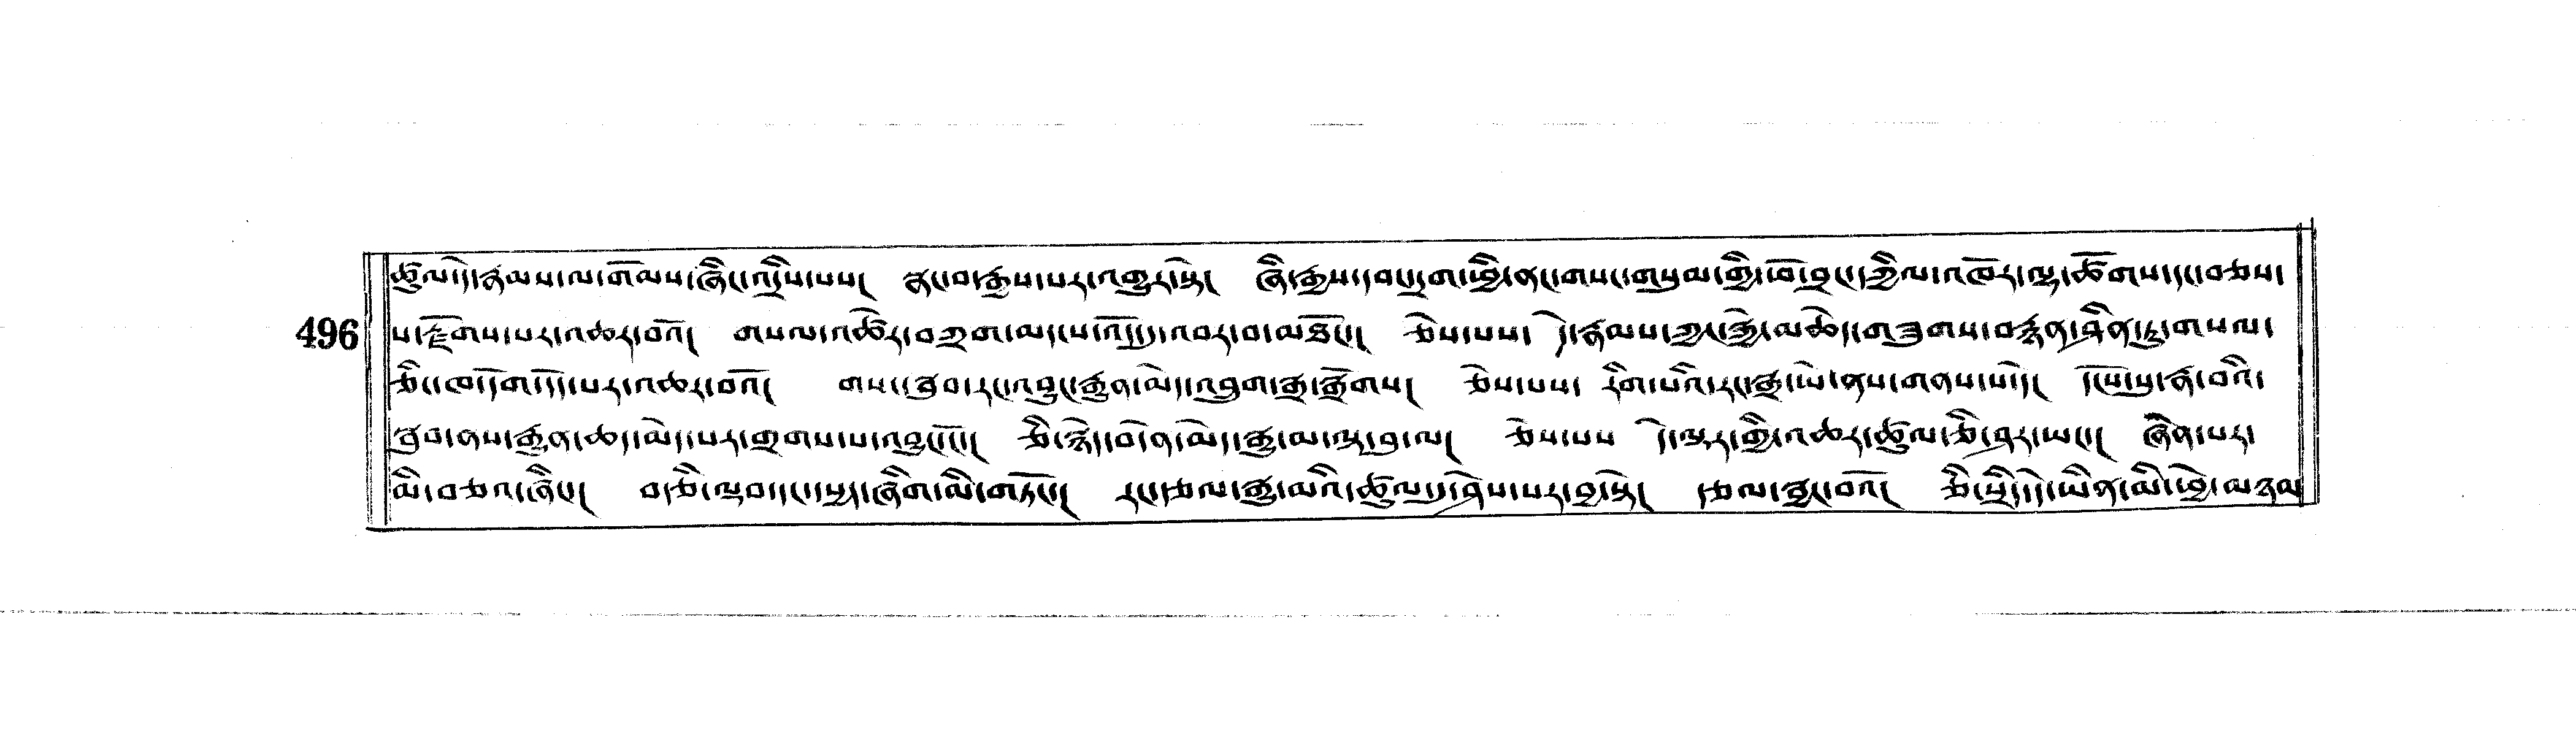ཚུལ་དེ་རྣམས་ལ་གོམས་ཤིང་འདྲིས་པས། སྣང་བ་རྒྱས་པར་འགྱུར་ཏེ། ཞི་རྒྱས་དབང་དྲག་ཕྱི་ནང་གསང་གསུམ་གྱི་ཕོ་བྲང་དཀྱིལ་འཁོར་ལྷ་ཚོགས་དང་བཅས་
པ་རྫོགས་པར་འཆར་བའོ། གསལ་མཚེར་བཀྲག་མདངས་འོད་དུ་འབར་བ་མཐོང་། ཅེས་པས། དེ་རྣམས་ཀྱང་སྐྱེ་མཆེད་གཟུགས་བརྙན་ཤིན་ཏུ་གསལ་
ཞིང་ཁ་དོག་དོད་པར་འཆར་བའོ། གསང་ཐུབ་རང་འབྱུང་རྒྱུན་མེད་འབྲུག་སྒྲ་སྒྲོགས། ཅེས་པས། རིག་པའི་རང་སྒྲ་ཡེ་ནས་གནས་པ་དེ། དངོས་སུ་རྣ་བའི་
སྦུབས་ནས་རྒྱུན་ཆད་མེད་པ་གྲག་པ་འབྱུང་ངོ་། ཅི་སྙེད་བདེན་མེད་སྒྱུ་མ་ལྟ་བུ་ལ། ཅེས་པས། དེ་ལྟར་གྱི་འཆར་ཚུལ་ཅི་ཤར་ཡང་། ཞེན་པར་
མི་བཅའ་ཞིང་། བརྩི་ལྡབ་དང་དཔྱད་ཞིབ་མི་གཏོང་ཞིང་། རང་རྩལ་སྒྱུ་མའི་ཚུལ་དུ་ཤེས་པར་བྱ་སྟེ། རྩལ་སྦྱང་བའོ། ཅི་སྲིད་དེ་ཡིན་མི་ཕྱེ་མཉམ་